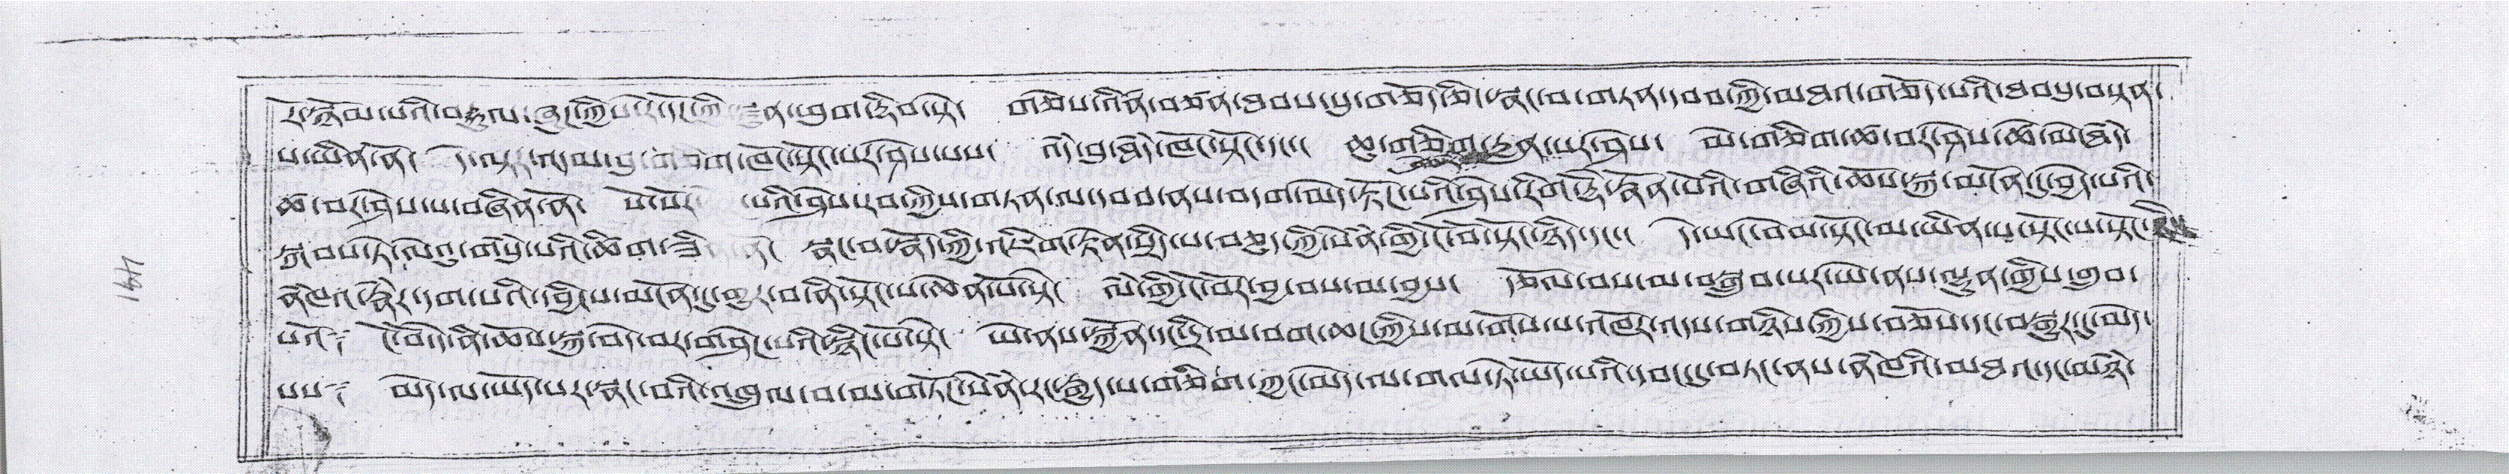རོ་སྙོམས་པའི་རྟུལ་ཞུགས་ཀྱི་རེ་དྭོགས་ཀྱི་རྫུན་ཕུག་རྡིབ་སྟེ། གཅེས་འཛིན་བཙན་ཐབས་སུ་གཅོད་ཅིང་སྣང་བ་གཏན་དབབ་ཀྱི་མཐའ་གཅོད་པའི་ཐབས་སུ་བསྟན་
པ་ཡིན་ནོ། དེ་ལྟར་འདམ་བུ་གཅིག་ཁོང་སྟོང་པར་ཤེས་པས་འདམ་བུ་ཐམས་ཅད་ཁོང་སྟོང་དང་། ཆུ་གཅིག་རླན་པར་ཤེས། མེ་གཅིག་ཚ་བར་ཤེས་ཚེ་མེ་ཐམས་ཅད་
ཚ་བར་ཤེས་པ་བཞིན་ནོ། སོ་སོར་རྟོགས་པའི་ཤེས་རབ་ཀྱིས་གཏན་ལ་ཕབ་ནས་བདག་མེད་རྟོགས་པའི་ཤེས་རིག་རྡོ་རྗེ་རྣོན་པོའི་གཞིའི་ཆོས་སྐུ་མངོན་དུ་བྱེད་པའི་
སྐབས་ཏེ་ལེའུ་གསུམ་པའི་ཚིག་ཟིན་ནོ། །སྣང་བ་སྣོད་ཀྱི་འཇིག་རྟེན་སྲིད་པ་བཅུད་ཀྱི་སེམས་ཅན་གྱི་ངོ་བོ་སྟོང་ཉིད་དང་། དེ་ཡང་བེམ་སྟོང་མ་ཡིན་པ་སྟོང་པ་སྟོང་ཉིད་
ནམ་མཁའ་རྣམ་པར་དག་པའི་དབྱིངས་མངོན་དུ་གྱུར་པ་ནི་སྟོང་པ་ཆེན་པོ་སྟེ། ལམ་གྱི་ངོ་བོར་བྱ་བས་མ་བྱས། རྩོལ་བས་མ་བསྒྲུབ་པར་ཡེ་ནས་ལྷུན་གྱིས་གྲུབ་
པའོ། ངོ་བོ་དེ་ནི་ཆོས་སྐུ་བདེ་བར་གཤེགས་པའི་སྙིང་པོ་སྟེ། ཡེ་ནས་སྐྱོན་དང་དྲི་མ་བག་ཆགས་ཀྱིས་མ་གོས་པ་འཁོར་འདས་གཉིས་ཀྱིས་བཅོས་དང་བསྒྱུར་དུ་མེད་
པས། མེད་ལ་ཡོད་པར་སྣང་བའི་འཁྲུལ་པ་མ་གཏོགས་སེམས་ཅན་རང་རྒྱུད་པ་གཅིག་ཀྱང་མེད་ལ་གལ་ཏེ་ཡོད་པའི་དབང་དུ་བཏང་ན་ནམ་མཁའི་མཐའ་དང་མཉམ་